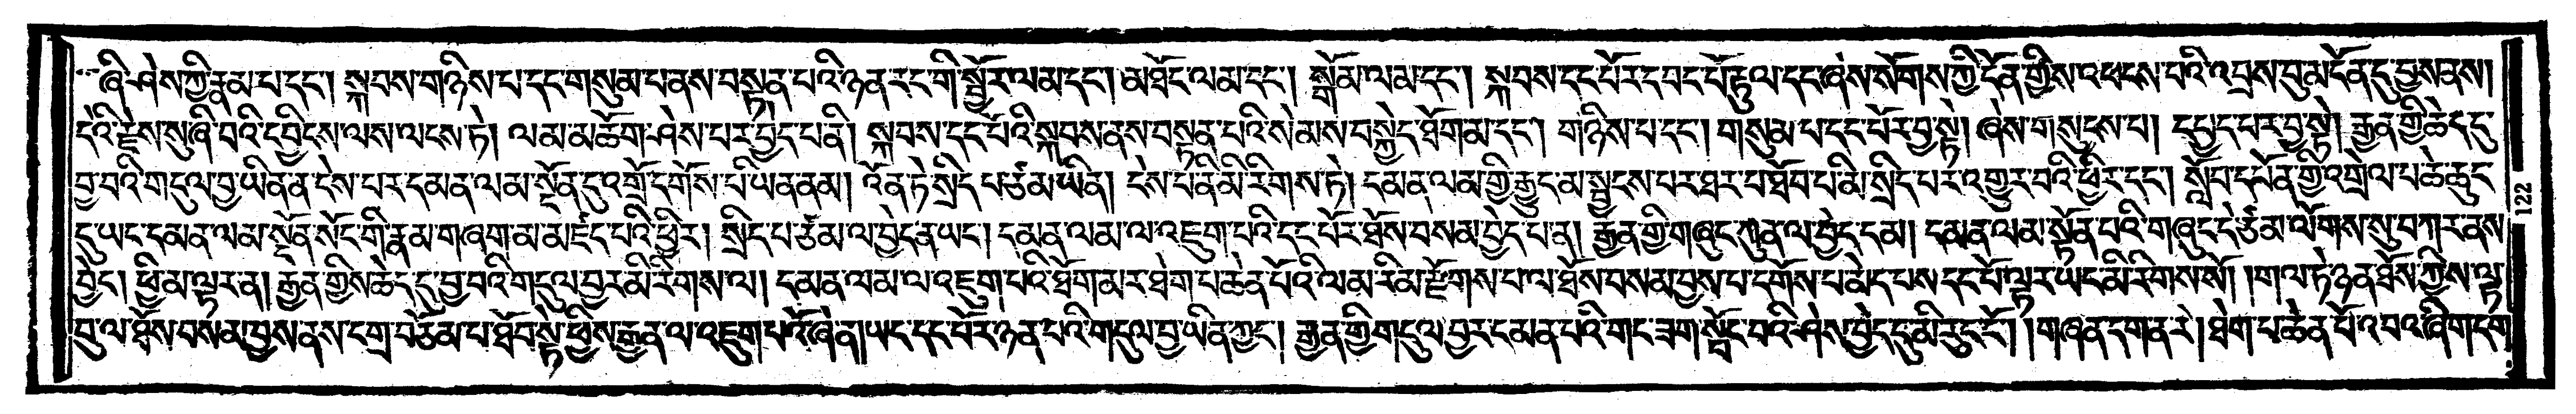ཞི་ཤེས་ཀྱི་རྣམ་པ་དང་། སྐབས་གཉིས་པ་དང་གསུམ་པ་ནས་བསྟན་པའི་ཉན་རང་གི་སྦྱོར་ལམ་དང་། མཐོང་ལམ་དང་། སྒོམ་ལམ་དང་། སྐབས་དང་པོར་དབང་པོ་རྟུལ་དང་ཞེས་སོགས་ཀྱི་དོན་གྱིས་འཕངས་པའི་འབྲས་བུ་མངོན་དུ་བྱས་ནས།
དེའི་རྗེས་སུ་ཞི་བའི་དབྱིངས་ལས་ལངས་ཏེ། ལམ་མཆོག་ཤེས་པར་བྱེད་པ་ནི། སྐབས་དང་པོའི་སྐབས་ནས་བསྟན་པའི་སེམས་བསྐྱེད་ཐོག་མ་དང་། གཉིས་པ་དང་། གསུམ་པ་དང་པོར་བྱ་སྟེ། ཞེས་གསུངས་པ། དཔྱད་པར་བྱ་སྟེ། རྒྱན་གྱི་ཆེད་དུ་
བྱ་བའི་གདུལ་བྱ་ཡིན་ན་ངེས་པར་དམན་ལམ་སྔོན་དུ་འགྲོ་དགོས་པ་ཡིན་ནམ། འོན་ཏེ་སྲིད་པ་ཙམ་ཡིན། ངེས་པ་ནི་མི་རིགས་ཏེ། དམན་ལམ་གྱི་རྒྱུད་མ་སྦྱངས་པར་ཐར་པ་ཐོབ་པ་མི་སྲིད་པར་འགྱུར་བའི་ཕྱིར་དང་། སློབ་དཔོན་གྱི་འགྲེལ་པ་ཆེ་ཆུང་
དུ་ཡང་དམན་ལམ་སྔོན་སོང་གི་རྣམ་གཞག་མ་མཛད་པའི་ཕྱིར། སྲིད་པ་ཙམ་ལ་བྱེད་ན་ཡང་། དམན་ལམ་ལ་འཇུག་པའི་དང་པོར་ཐོས་བསམ་བྱེད་པ་ན། རྒྱན་གྱི་གཞུང་ཀུན་ལ་བྱེད་དམ། དམན་ལམ་སྟོན་པའི་གཞུང་དེ་ཙམ་ལོགས་སུ་བཀར་ནས་
བྱེད། ཕྱི་མ་ལྟར་ན། རྒྱན་གྱིས་ཆེད་དུ་བྱ་བའི་གདུལ་བྱར་མི་རིགས་ལ། དམན་ལམ་ལ་འཇུག་པའི་ཐོག་མར་ཐེག་པ་ཆེན་པོའི་ལམ་རིམ་རྫོགས་པ་ལ་ཐོས་བསམ་བྱས་པ་དགོས་པ་མེད་པས་དང་པོ་ལྟར་ཡང་མི་རིགས་སོ། །གལ་ཏེ་ཉན་ཐོས་ཀྱིས་ལྟ་
བུ་ལ་ཐོས་བསམ་བྱས་ནས་དགྲ་བཅོམ་པ་ཐོབ་སྟེ་ཕྱིས་རྒྱན་ལ་འཇུག་པའོ་ཞེ་ན། ཡང་དང་པོར་ཉན་པའི་གདུལ་བྱ་ཡིན་ཀྱང་། རྒྱན་གྱི་གདུལ་བྱར་དམན་པའི་གང་ཟག་སྤོང་བའི་ཤེས་བྱེད་དུ་མི་རུང་ངོ། །གཞན་དག་ན་རེ། ཐེག་པ་ཆེན་པོ་འབའ་ཞིག་དག་